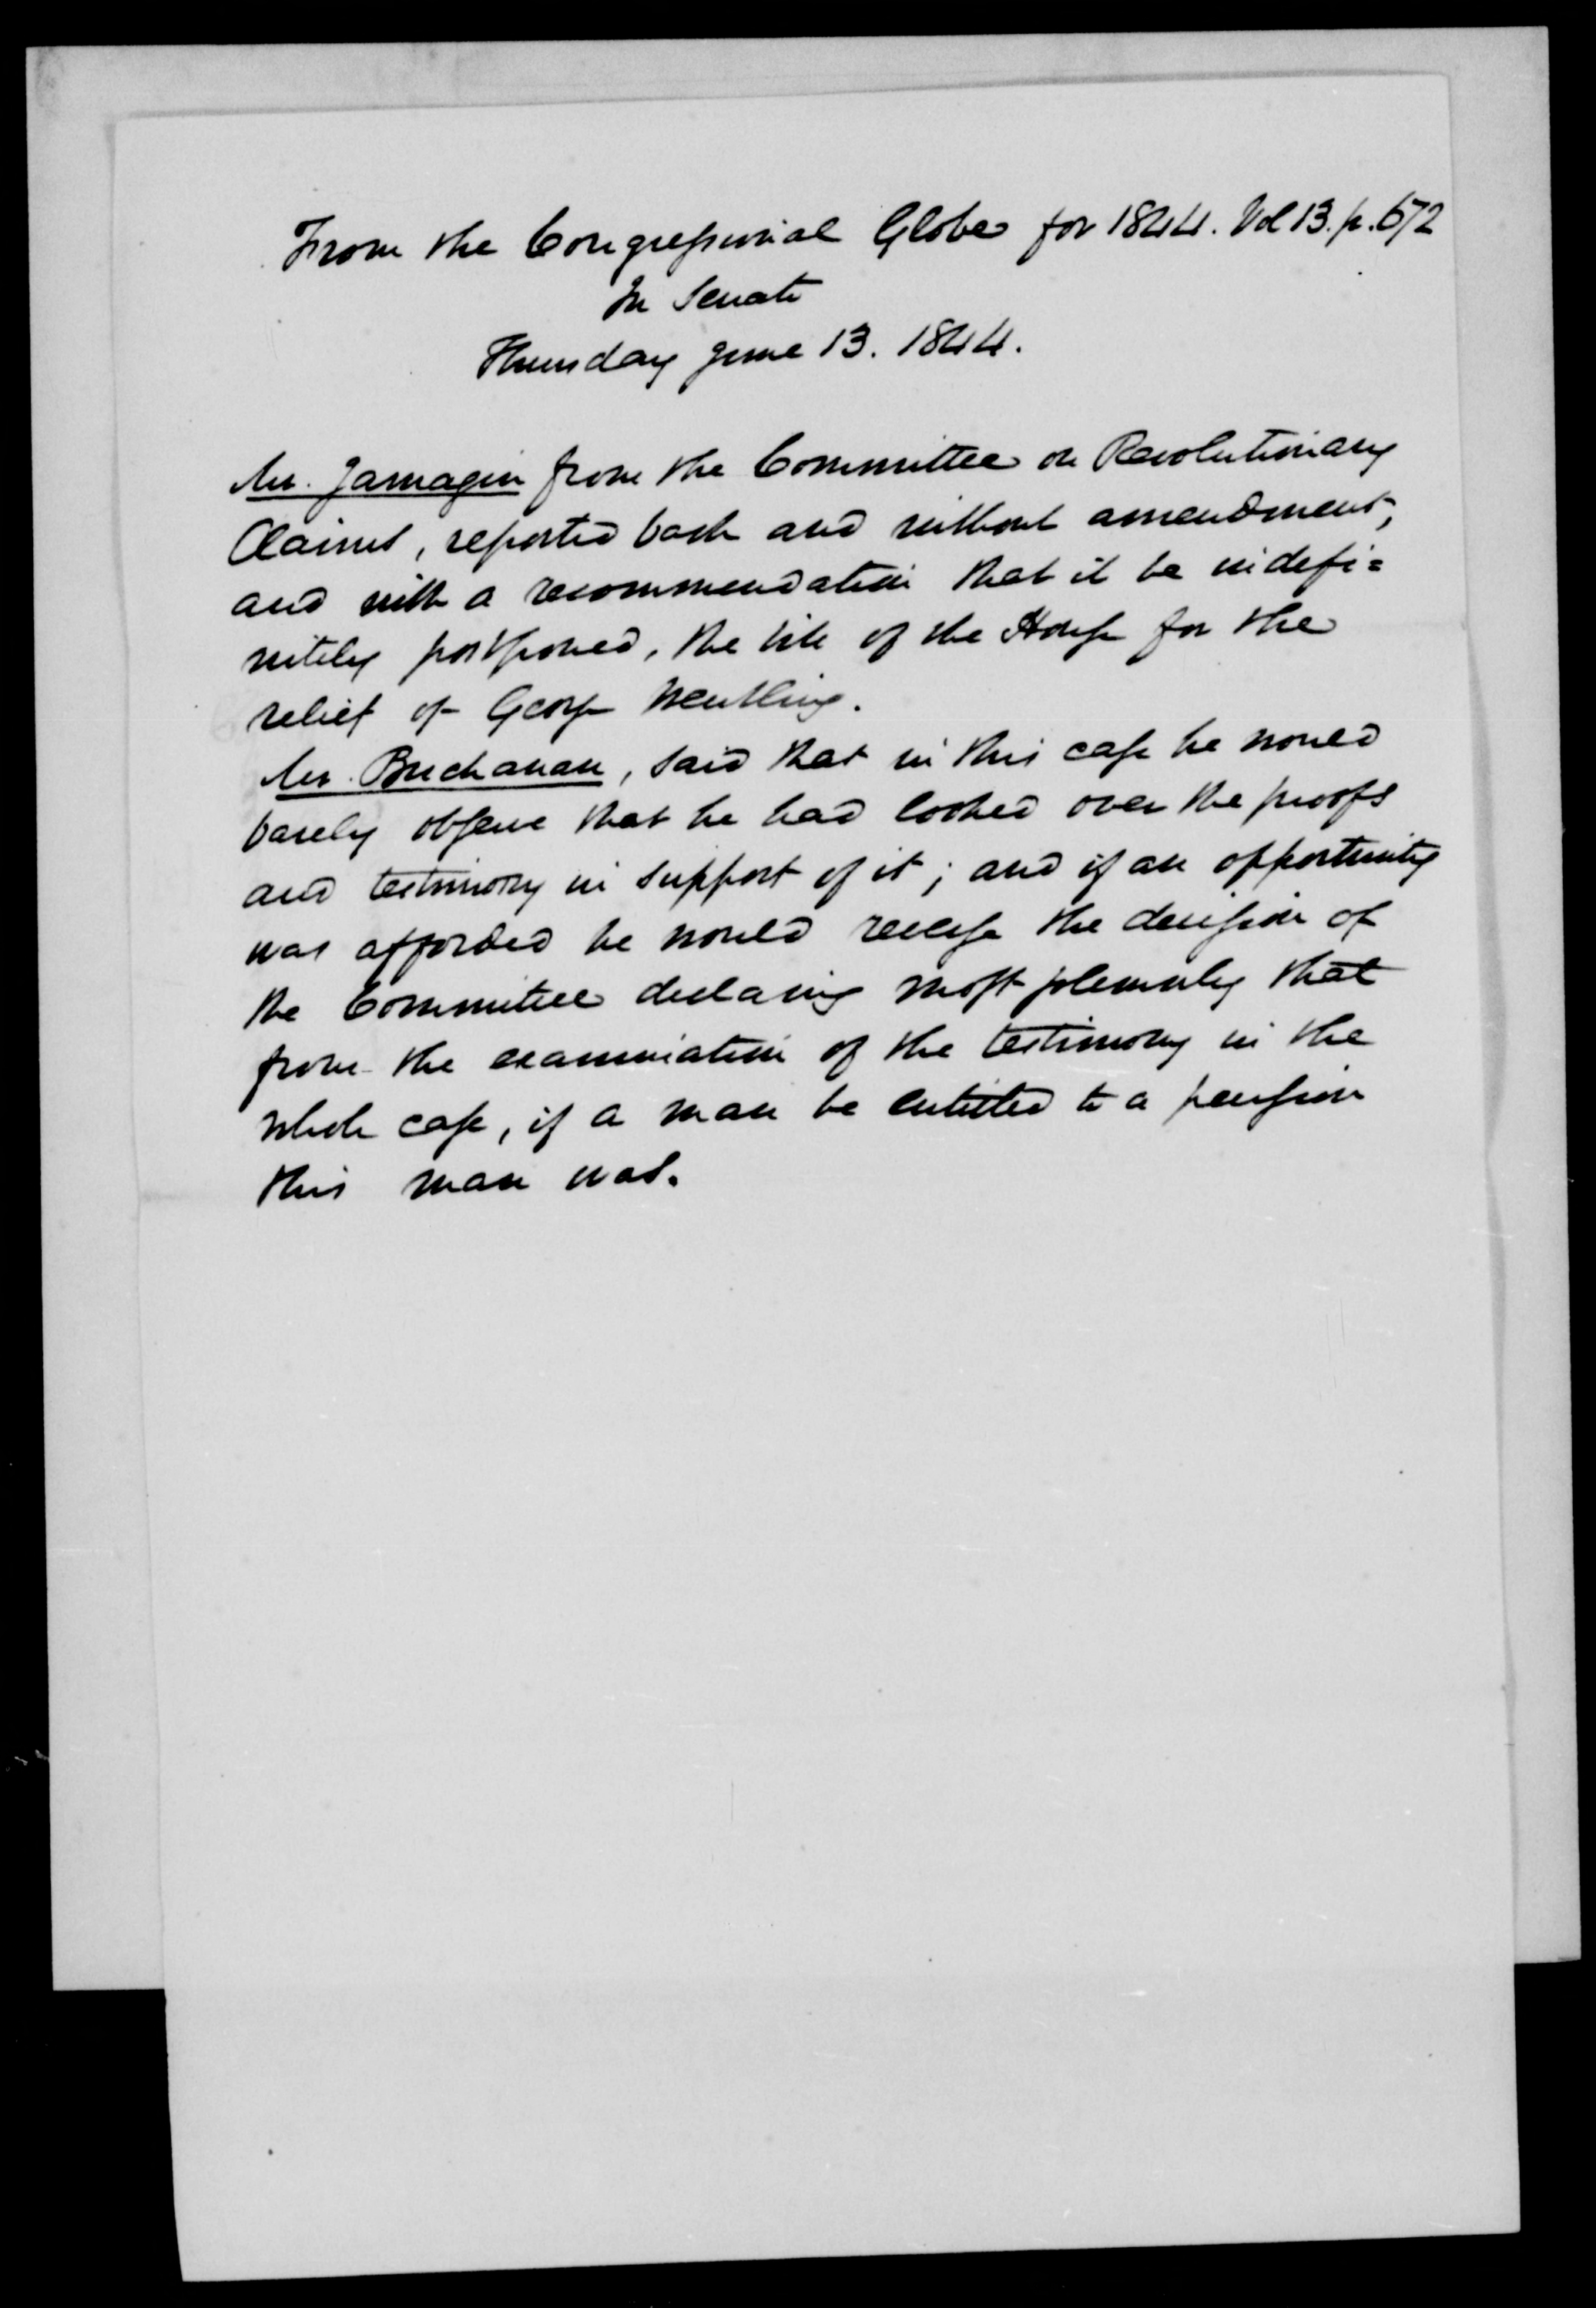From the Congressional Globe for 1844. Vol. 13.p.672
In Senate
Thursday June 13. 1844.

Mr. Jarnagin from the Committee on Revolutionary Claims, reported back and without amendment, and with a recommendation that it be indefinitely postponed, the tile [trial] of the House for the relief of George Wentley.
Mr. Buchanan, said that in this case he would barely observe that he had looked over the proofs and testimony in support of it; and if an opportunity was afforded he would reverse the decision of the committee declaring most plainly that from the examination of the testimony in the whole case, if a man be entitled to a pension this man was.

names: Buchanan, Jamasin, George Wentling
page: 37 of 68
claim: survivor's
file: S. 6,358, George Wentling, Penn.